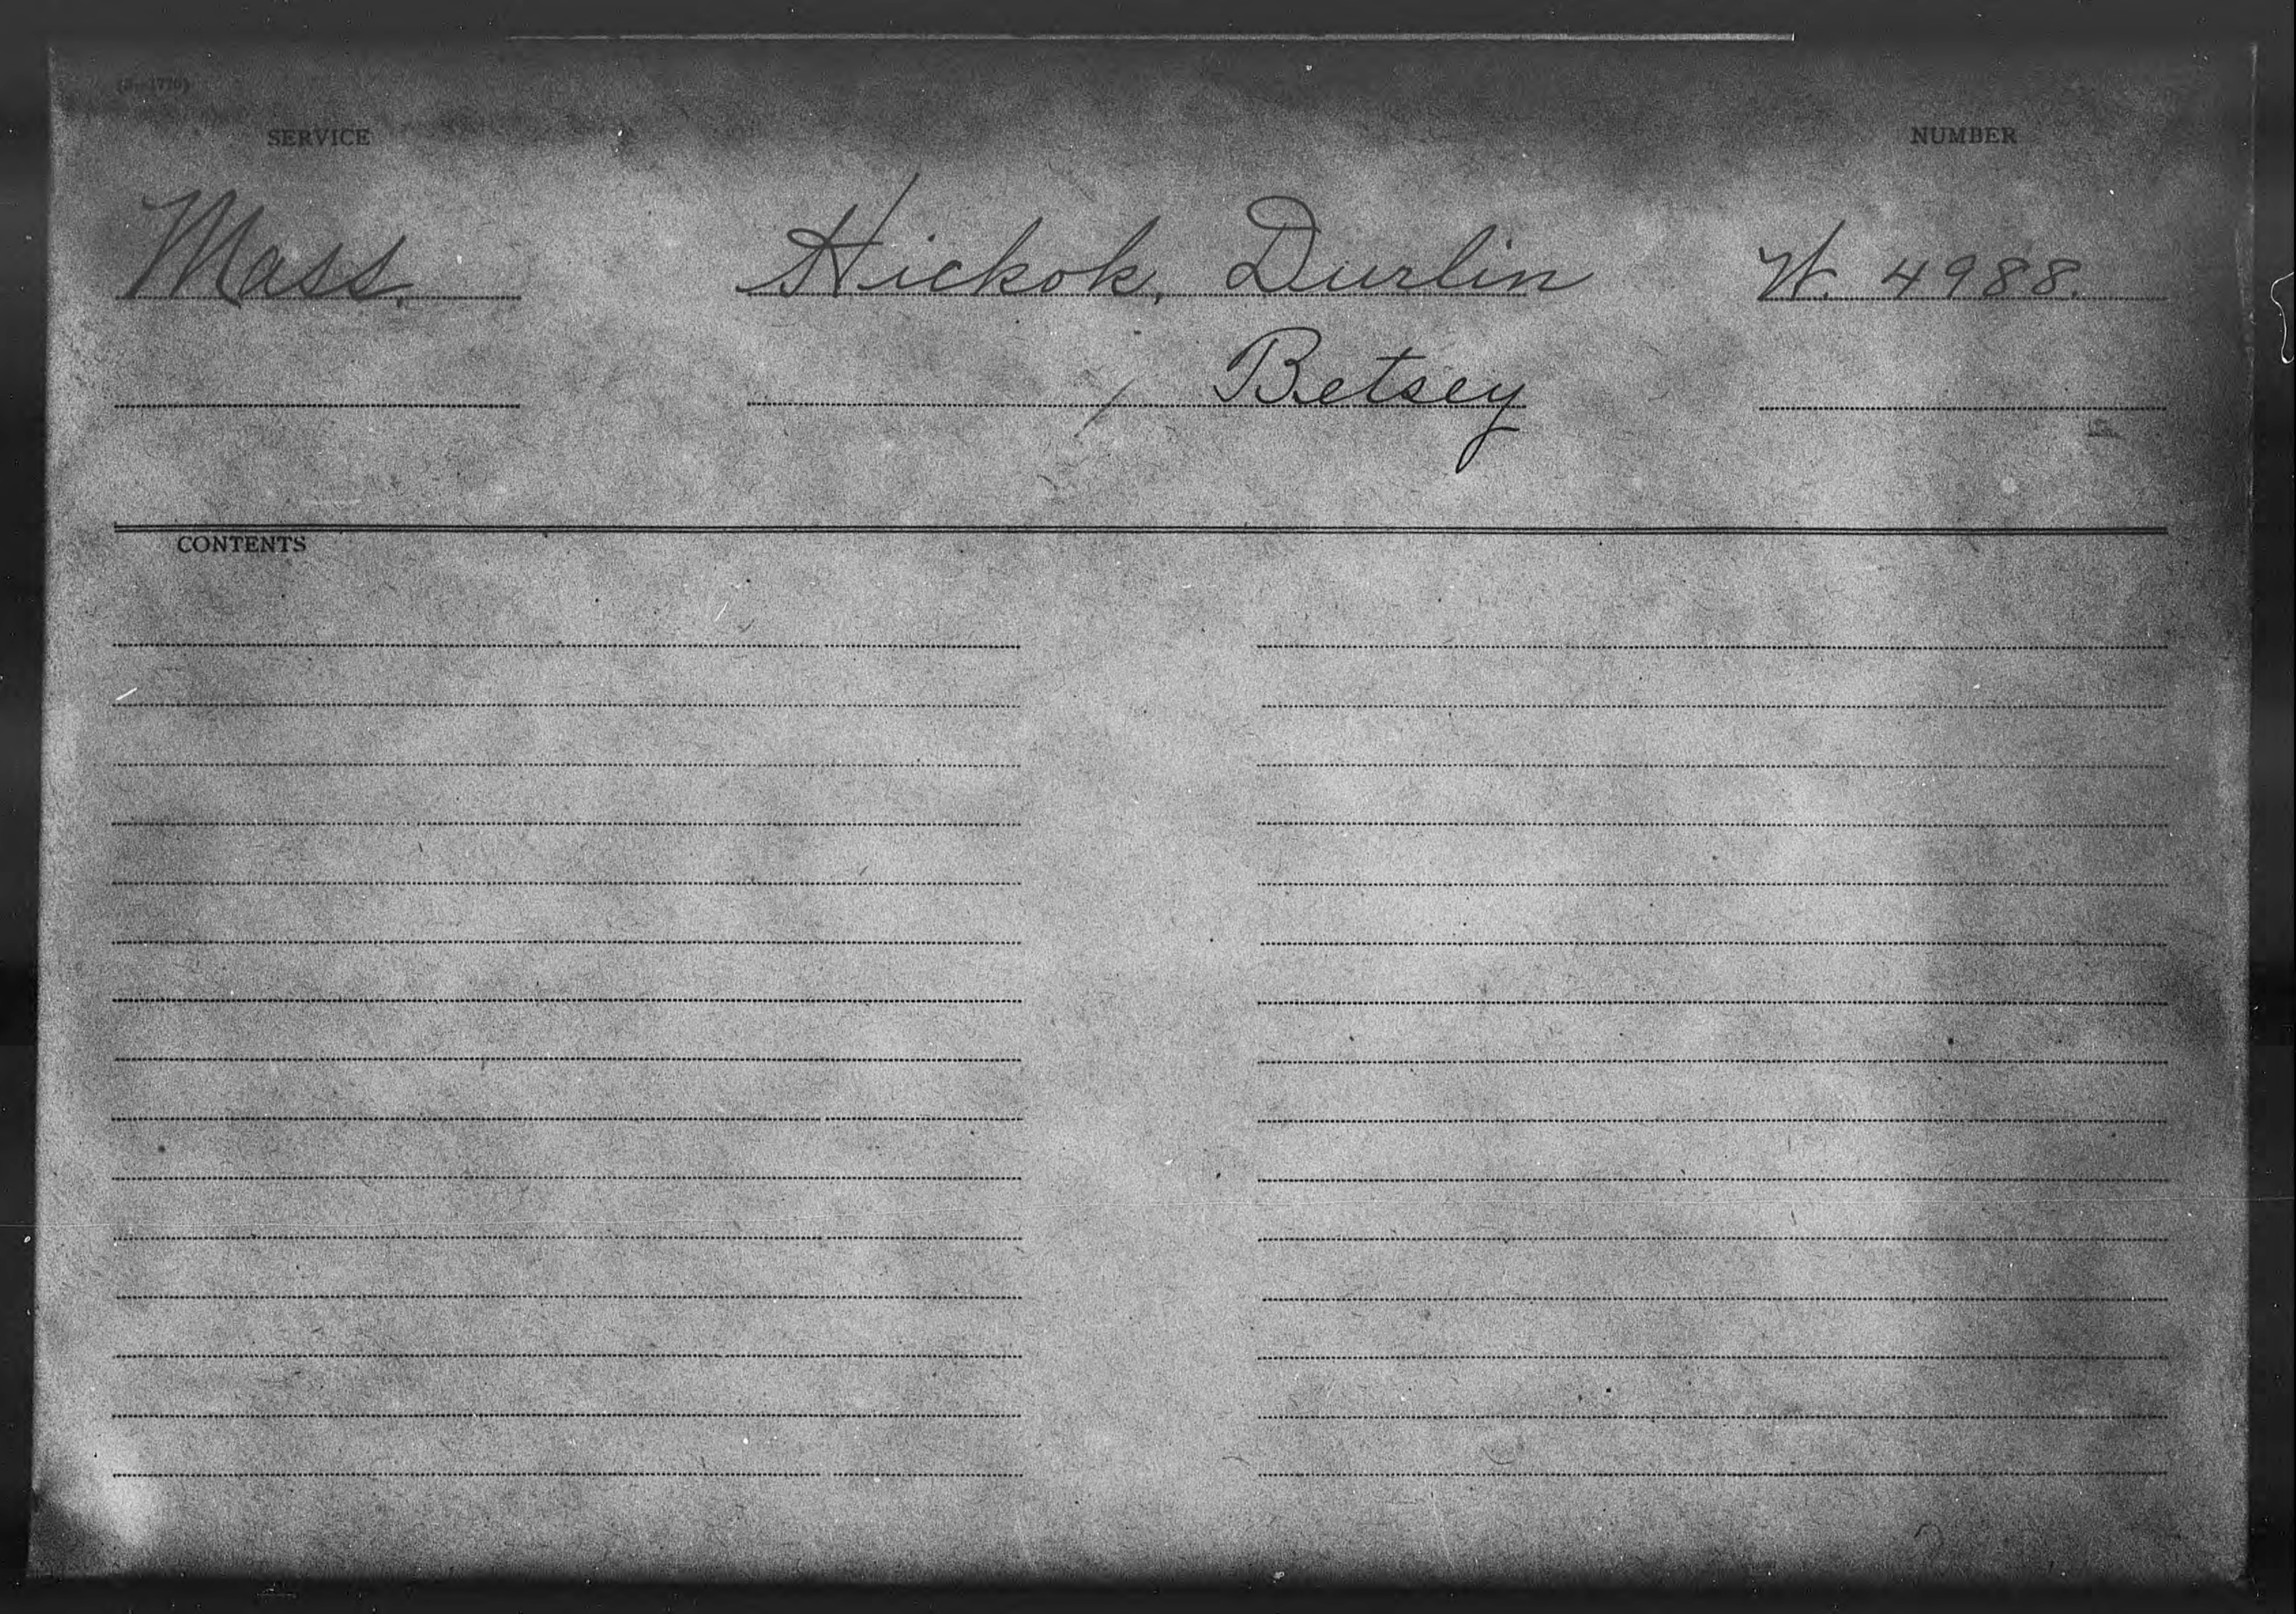SERVICE
Mass.
Hickok, Dublin
Betsy
NUMBER 
W. 9488.
CONTENTS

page: 1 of 45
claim: widow's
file: W. 4988, Durlin Hickok, Mass.